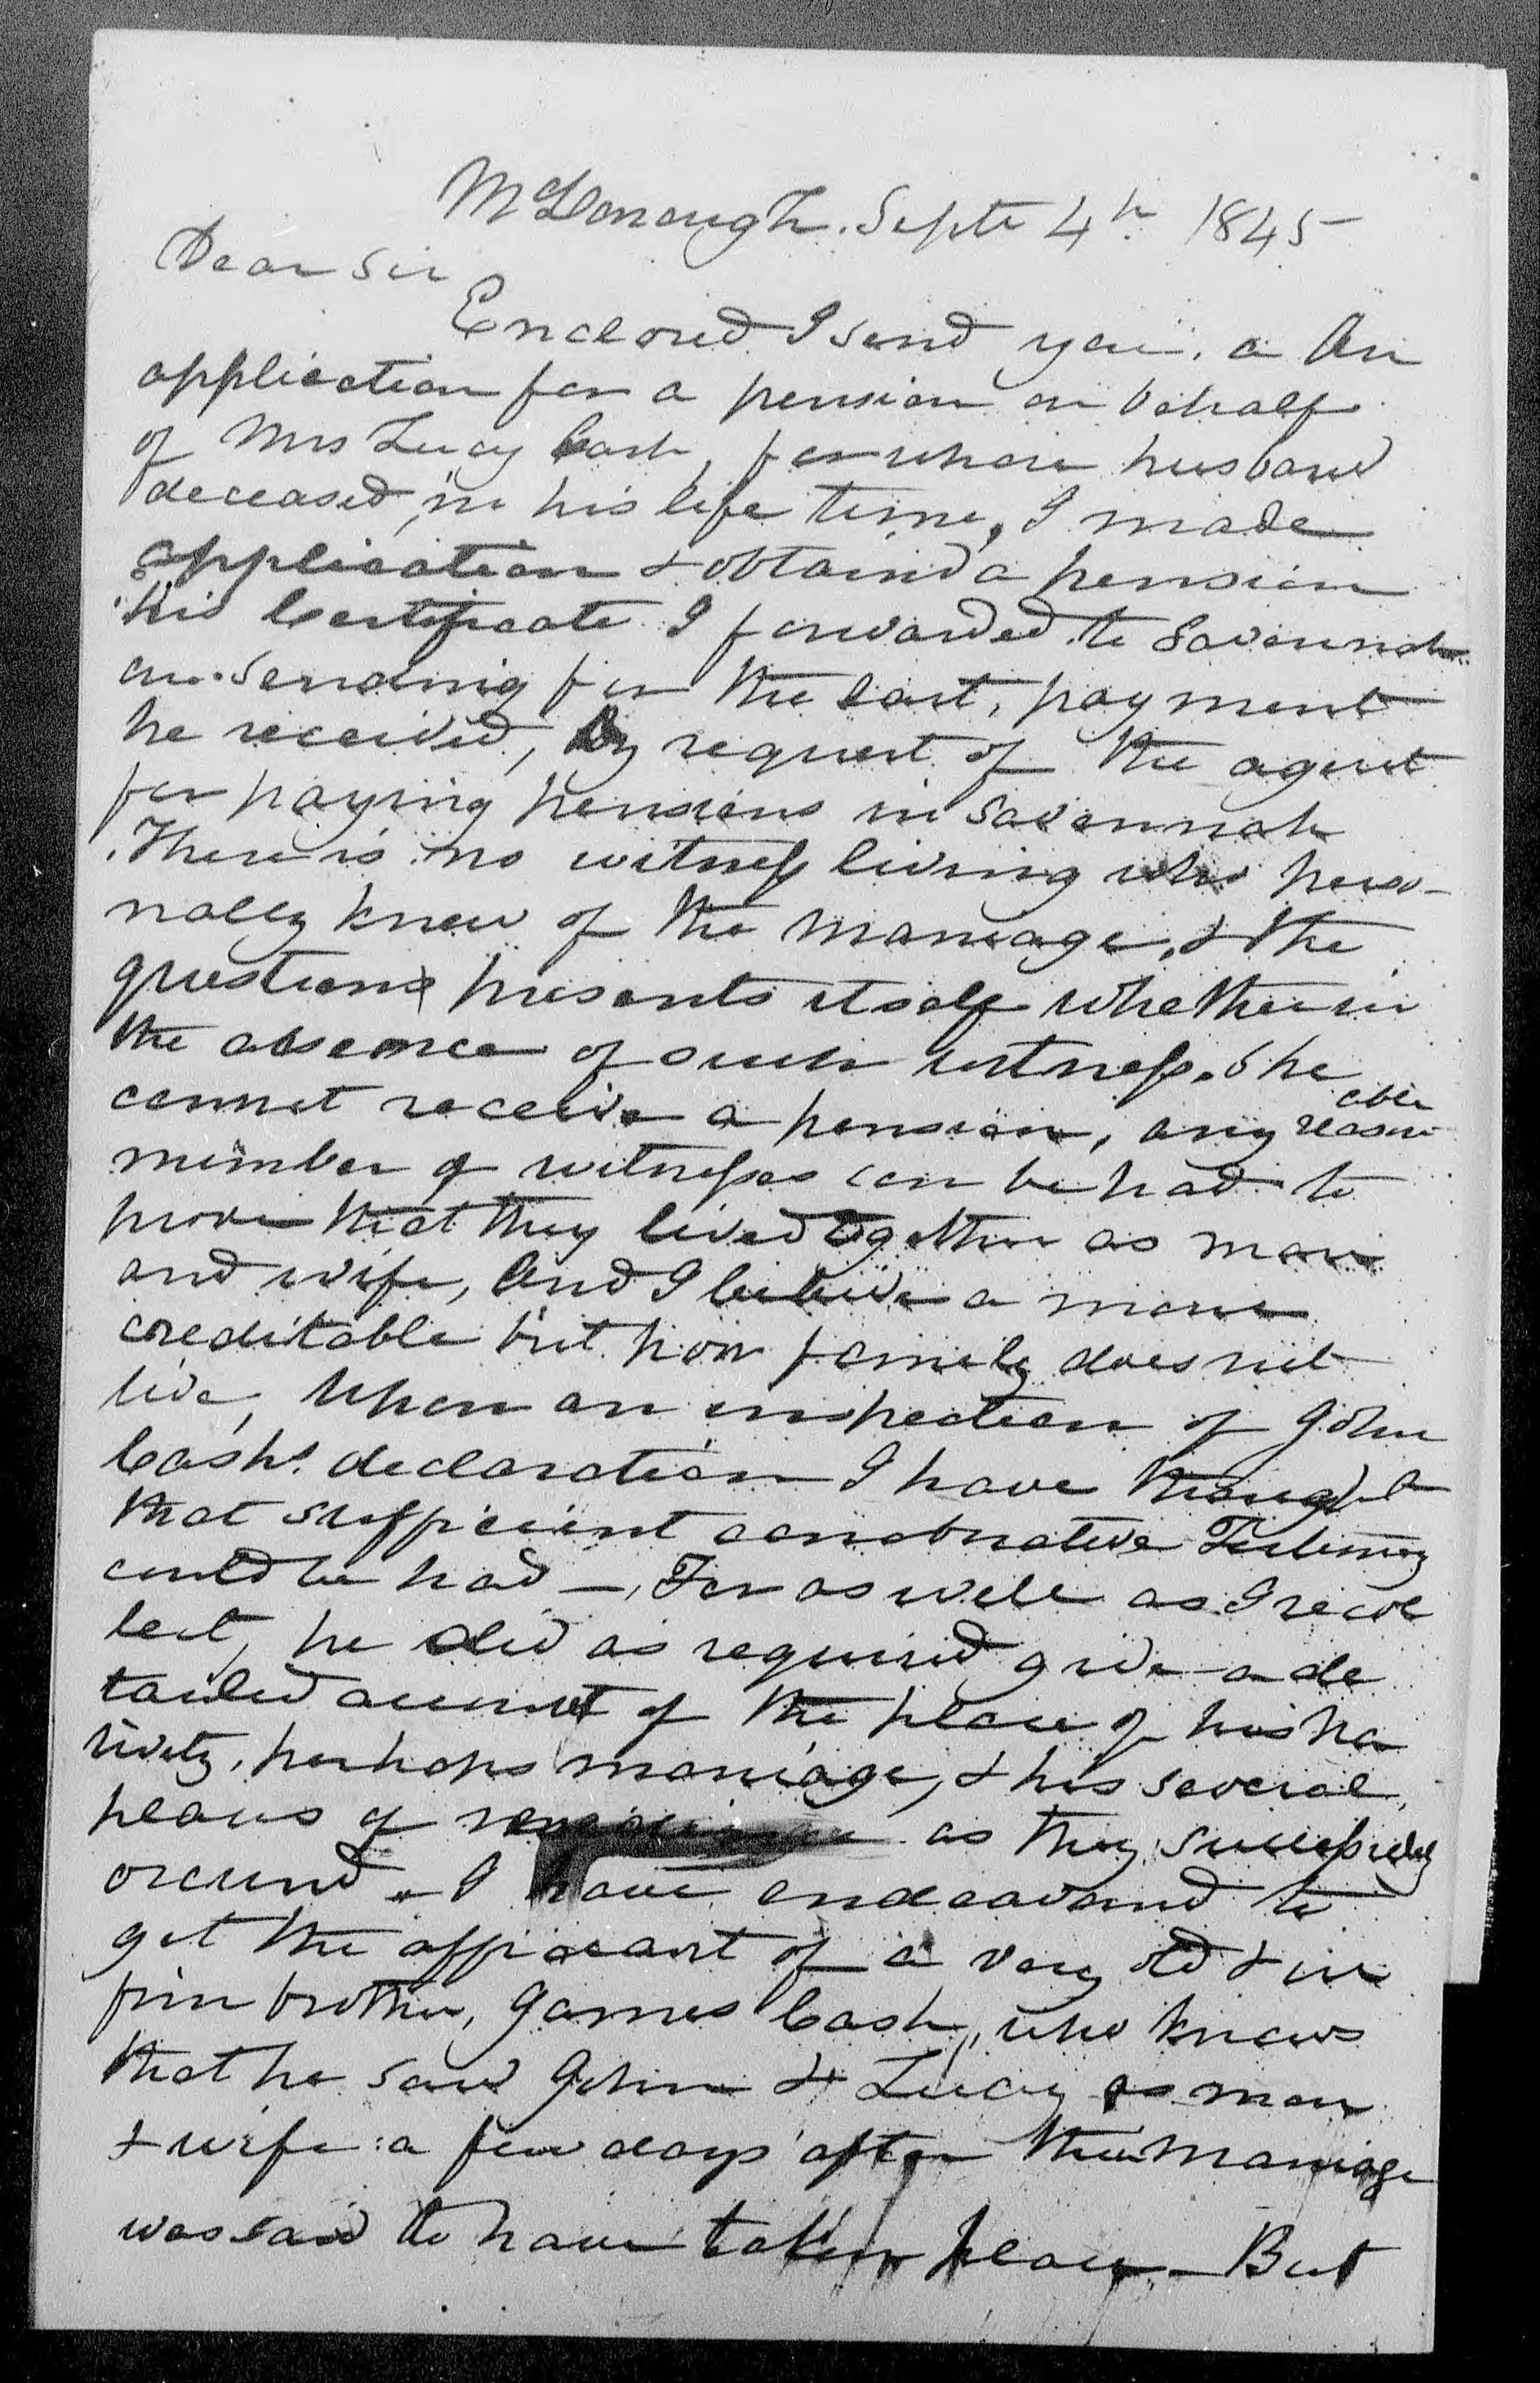McDonough, Sept 4th 1845
Dear Sir

Enclosed I send you an application for a pension on behalf of Mrs Lucy Cash for whose husband deceased, and in his life time, I made application & obtained a pension. His certificate I forwarded to Savannah and sending 
or last payment he received, by request of the agent for paying pensions in Savannah. There is no witness living who personally 
knew of the marriage & the questions presents itself whether in the absence of a witness, she cannot receive a pension. Any reasonable number of witnesses can be had to prove that they lived together as man and wife, and I believe a man more creditable ___ family does not live. When an inspection of John Cash's declaration I have thought that sufficient corrobative testimony couldn't be had. For as well as I recollect, he did as required give detailed account of the place of his several years of 
 marriage & his several places of rent ____  I have endeavored to get the affidavit of a very old & infirm 
 brother, James Cash, who knows
that he saw John Cash and his
wife a few days after the marriage
was said to have taken place. But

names: James Cash, John Cash, Lucy Cash, John, Lucy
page: 53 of 73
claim: widow's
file: W. 5,894, John Cash, Va.